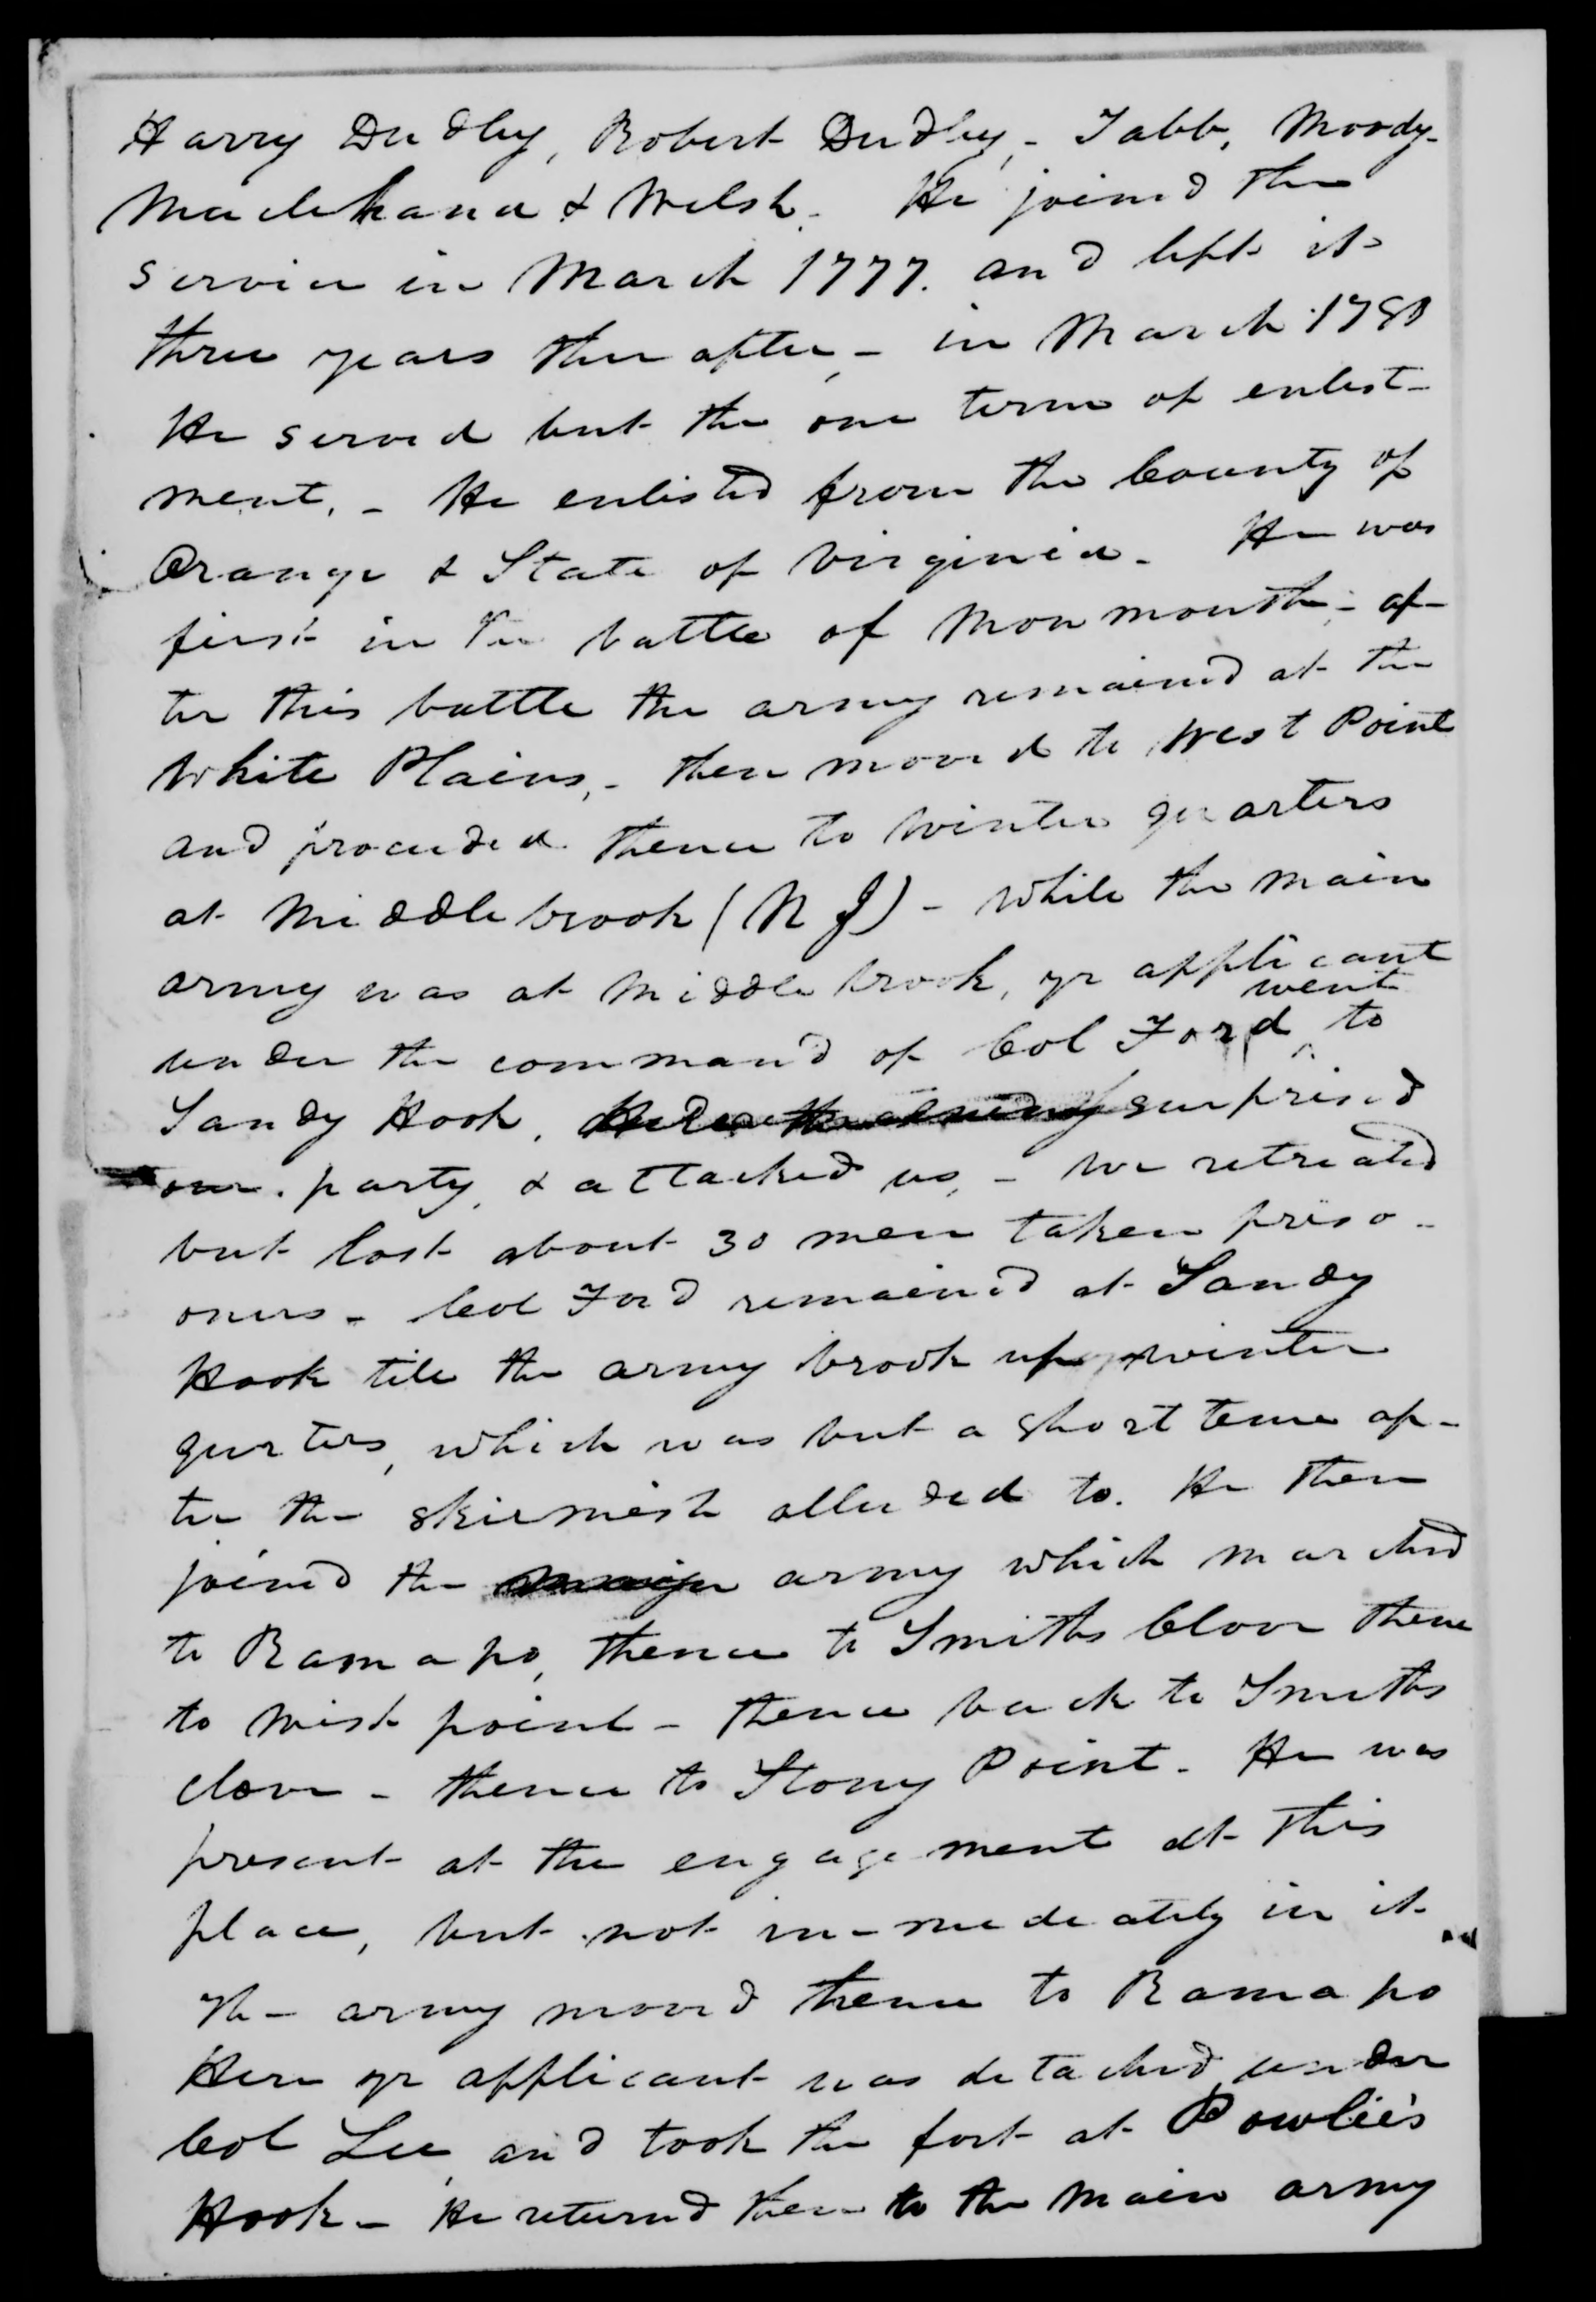Harry Dudley, Robert Dudley - Tabb, Moody
Maclehand & Welsh. He joined the
service in March 1777 and left it
three years thereafter - in March 1780
He served but the one term of enlistment. He enlisted from the County of
Orange & State of Virginia.
He was
first in the battle of Monmouth. After
to battle the army remained at the
White Plains, then moved to West Point
and proceeded thence to winter quarters
at Middlebrook, (NJ) - While this main
army was at Middlebrook, your applicant
under the command of Col Ford went to
Sandy Hook, surprised
our party & attacked us, - we retreated
but lost about 30 men taken prisoners. Col Ford remained at Sandy
Book till the army broke up winter quarters, which was but a short time after the skirmish alluded to. He then joined the army which marched to Ramapo, thence Smith's Cover thence to West Point - thence back to Smith's
Cove-thence to Stony Point. He was
present at the engagement at this
place, but not immediately in it.
The army moved thence to Ramapo.
Here your applicant was detached under
Col Lee and took the fort at Powlie's
Hook. He returned them to the main army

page: 13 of 99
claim: widow's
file: W 8766, for James Stevens, Virginia